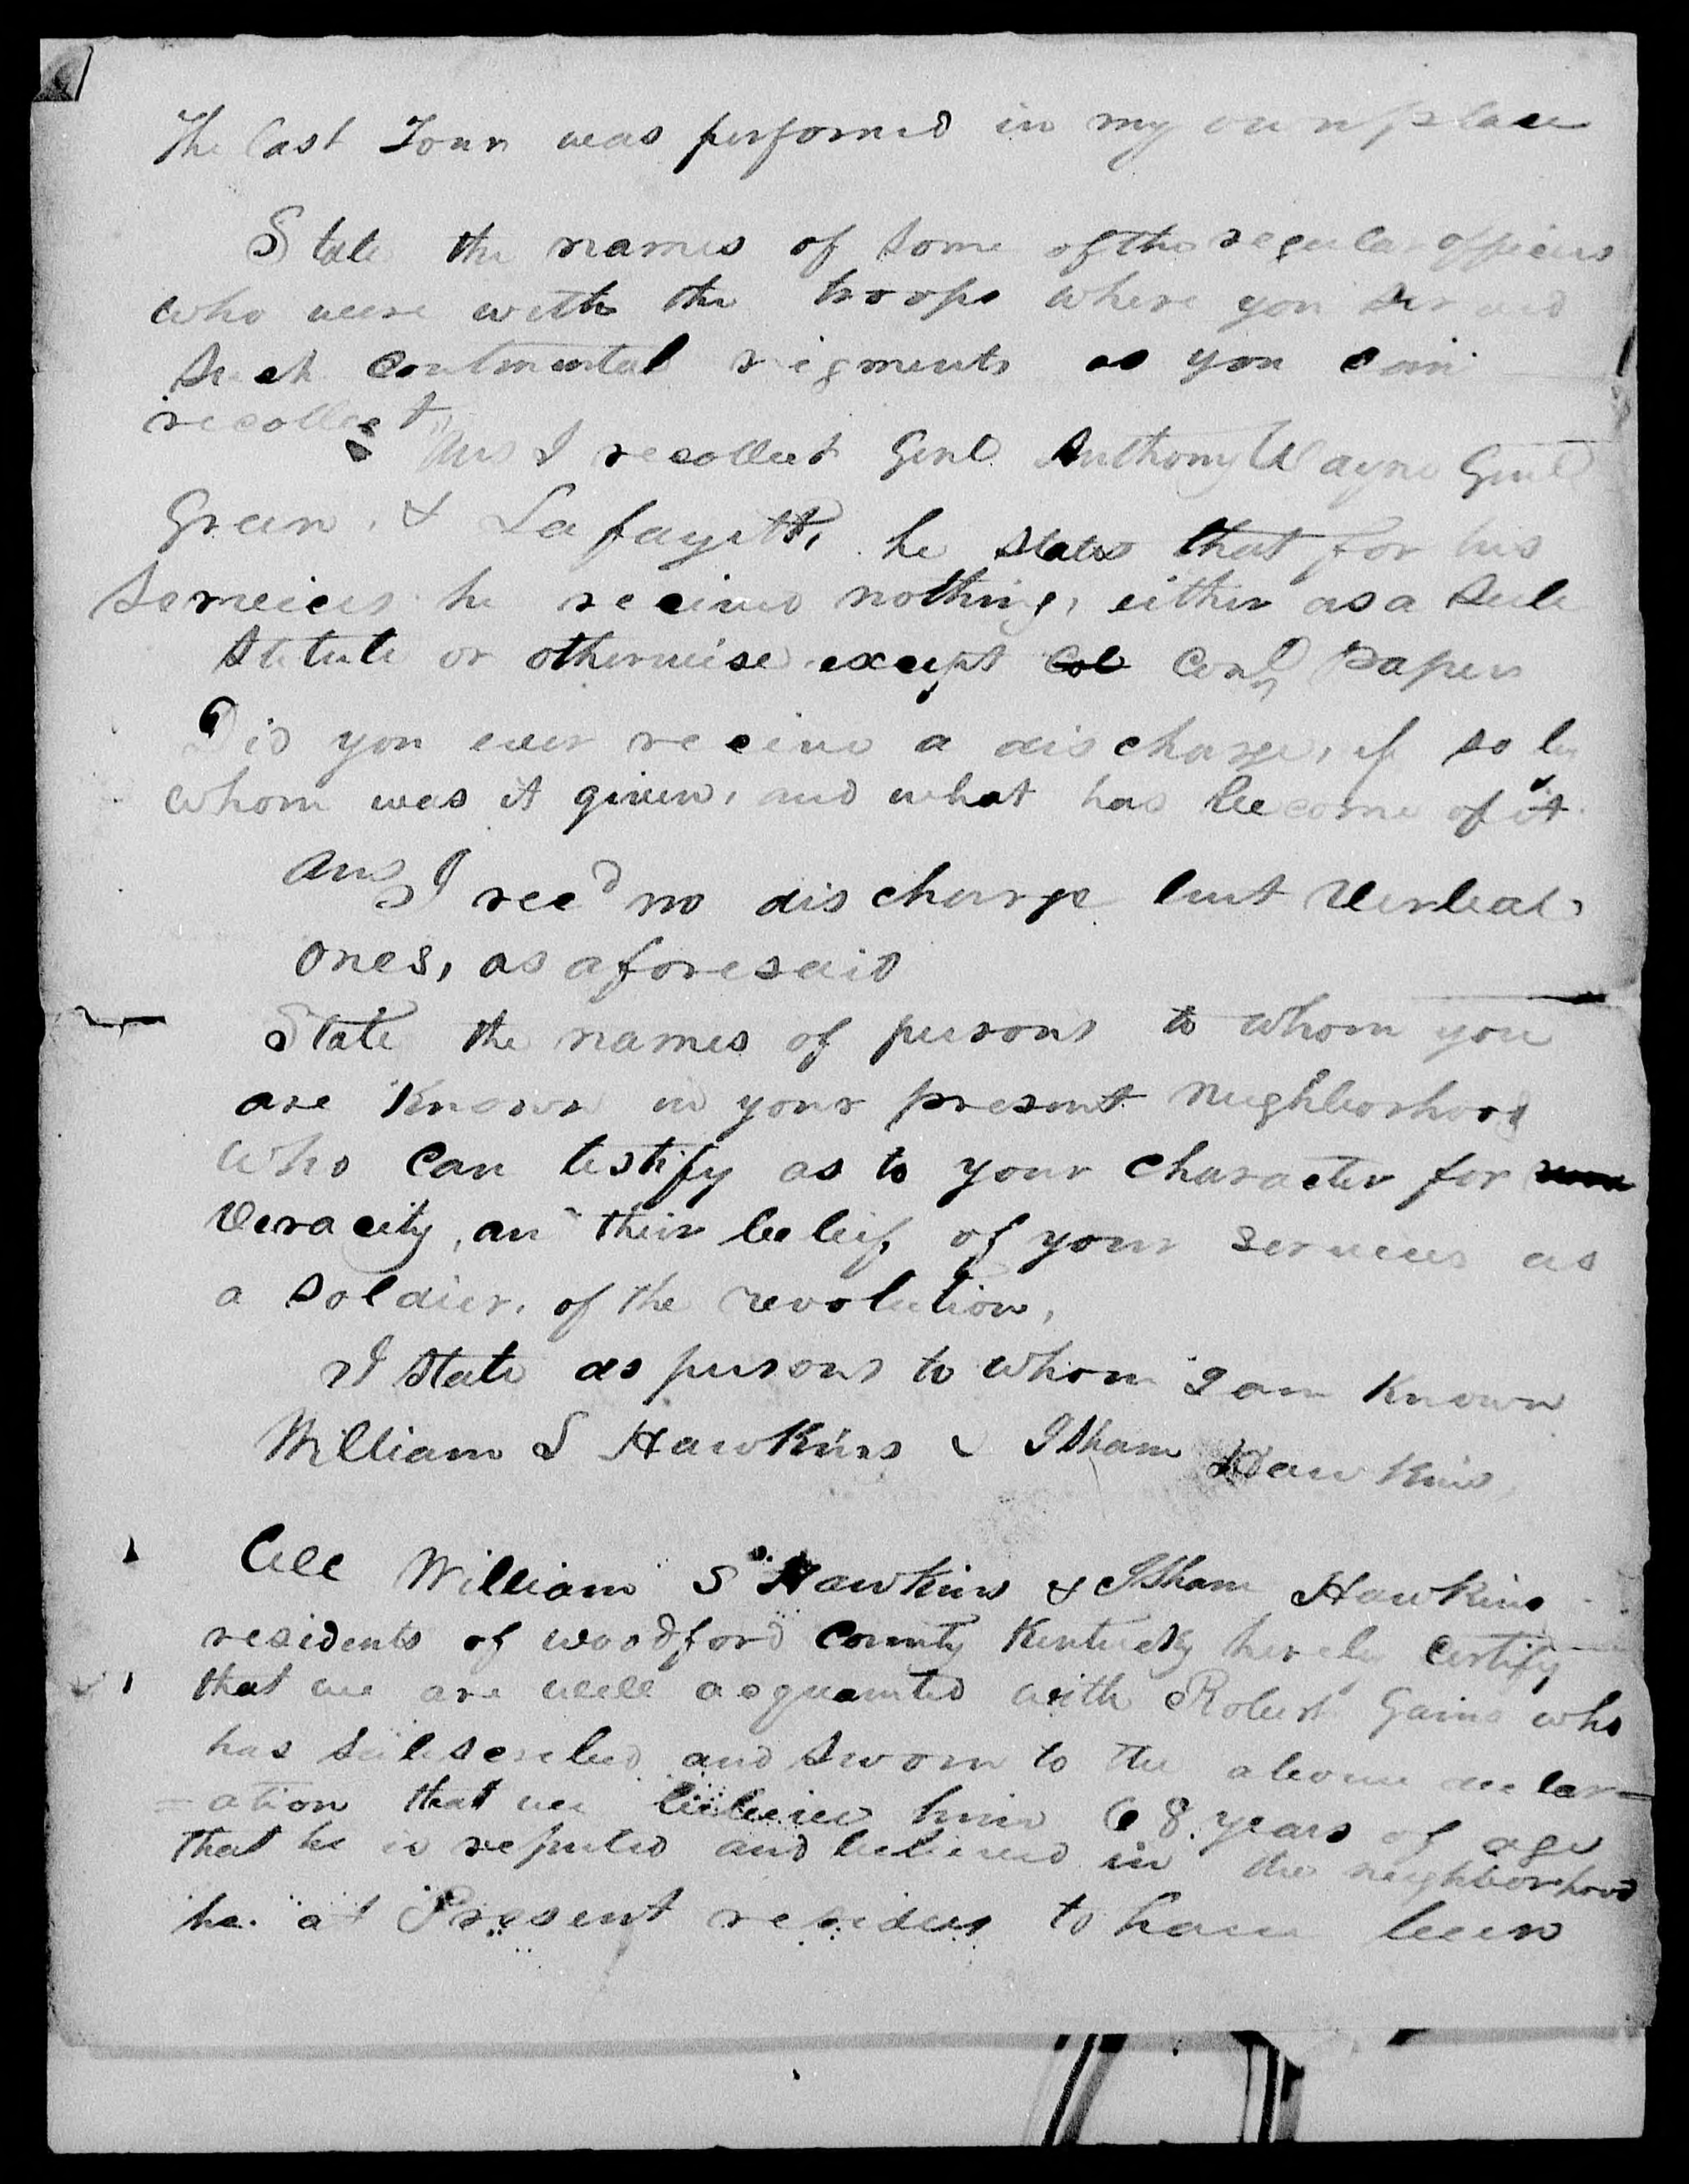The last tour was performed in my own place
State the names of some of the regular officers
who were with the troops where you served
such continental rigments as you can
recollect 
ans I recollect Genl Anthony Wayne Genl
Grant & Lafayett, he states that for his
services he received nothing, either as a substitute 
or otherwise except [crossed out] Col [/crossed out] cont papers
Did you ever receive a discharge, if so by
whom was it given, and what has become of it
ans I rec'd no discharge but verbal
ones, as aforesaid
State the names of persons to whom you
are known in your present neighborhood
who can testify as to your character for [crossed out] [illegible] [/crossed out]
veracity, and their belief of your services as
a soldier of the revolution,
I state as persons to whom I am known
William S Hawkins & Isham Hawkins this
All William S Hawkins & Isham Hawkins
residents of Woodford County Kentucky hereby certify
that we are well acquainted with Robert Gains who
has subscribed and sworn to the above declaration
that we believe him 68 years of age
that he is reputed and believed in the neighborhood
he at present resides to have been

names: La Fayette, William S Hawkins, William S Hawkins, Isham Hawkins, Robert Gains, Green, Anthony Wayne, Isham Hawkins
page: 8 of 79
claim: rejected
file: R. 3863, Robert Gaines, Va.